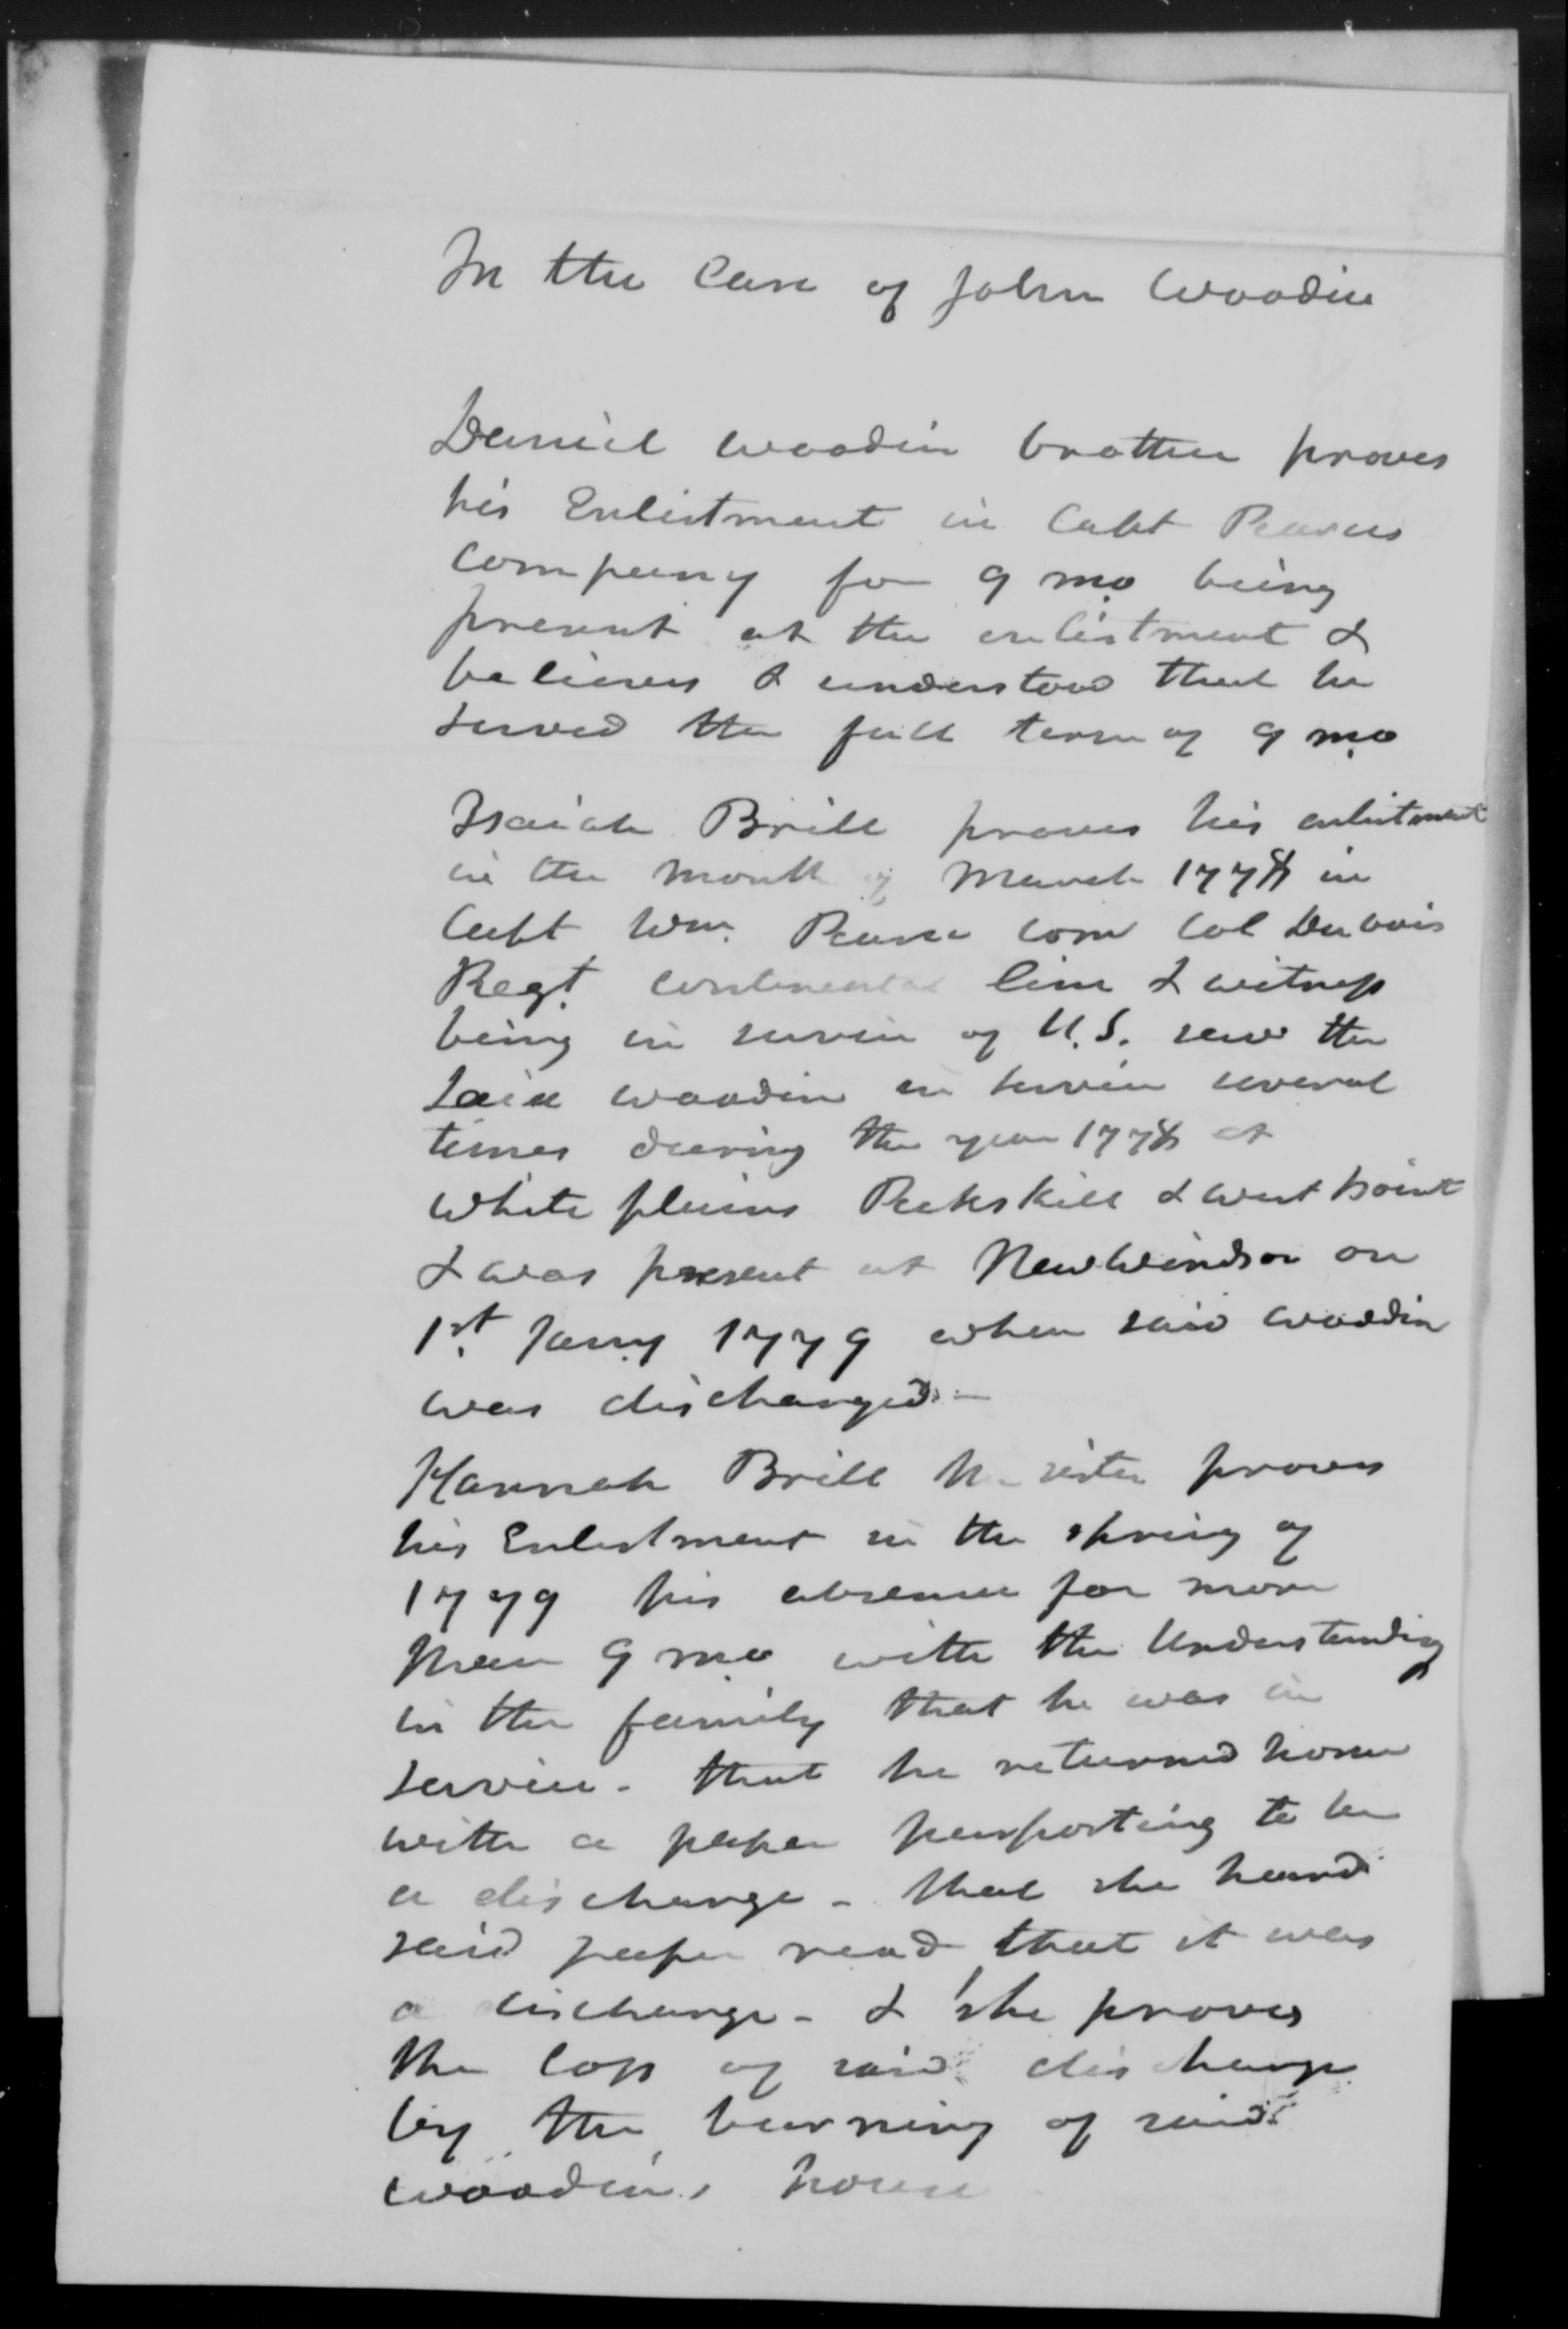In the case of John Woodin 
Daniel Woodin brother proves his enlistment in Capt Pearces company for 9 mo being present at the enlistment & believes & understood that he served the full term of 9 mo Isaiah Brill proves his enlistment in the month of March 1778 in Capt Wm Pearce Com Col Dubois Regt continental line I witness being in service of U.S. saw the said Woodin in service several times during the year 1778 at White Plains Peekskill & west point &  was present at New Windsor on 1st Jany 1779 when said Woodin was discharged- 
Hannah Brill his sister proves his enlistment in the spring of 1779 his absence for more than 9 mo with the understanding in the family that he was in service. that he returned home with a paper purporting to be a discharge. that she had said paper read that it was a discharge & she proves the loss of said discharge by the burning of said Woodin’s house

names: John Woodin, Daniel Woodin, Hannah Brill, Isaiah Brill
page: 67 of 77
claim: widow's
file: W. 19658, John Woodin, New York